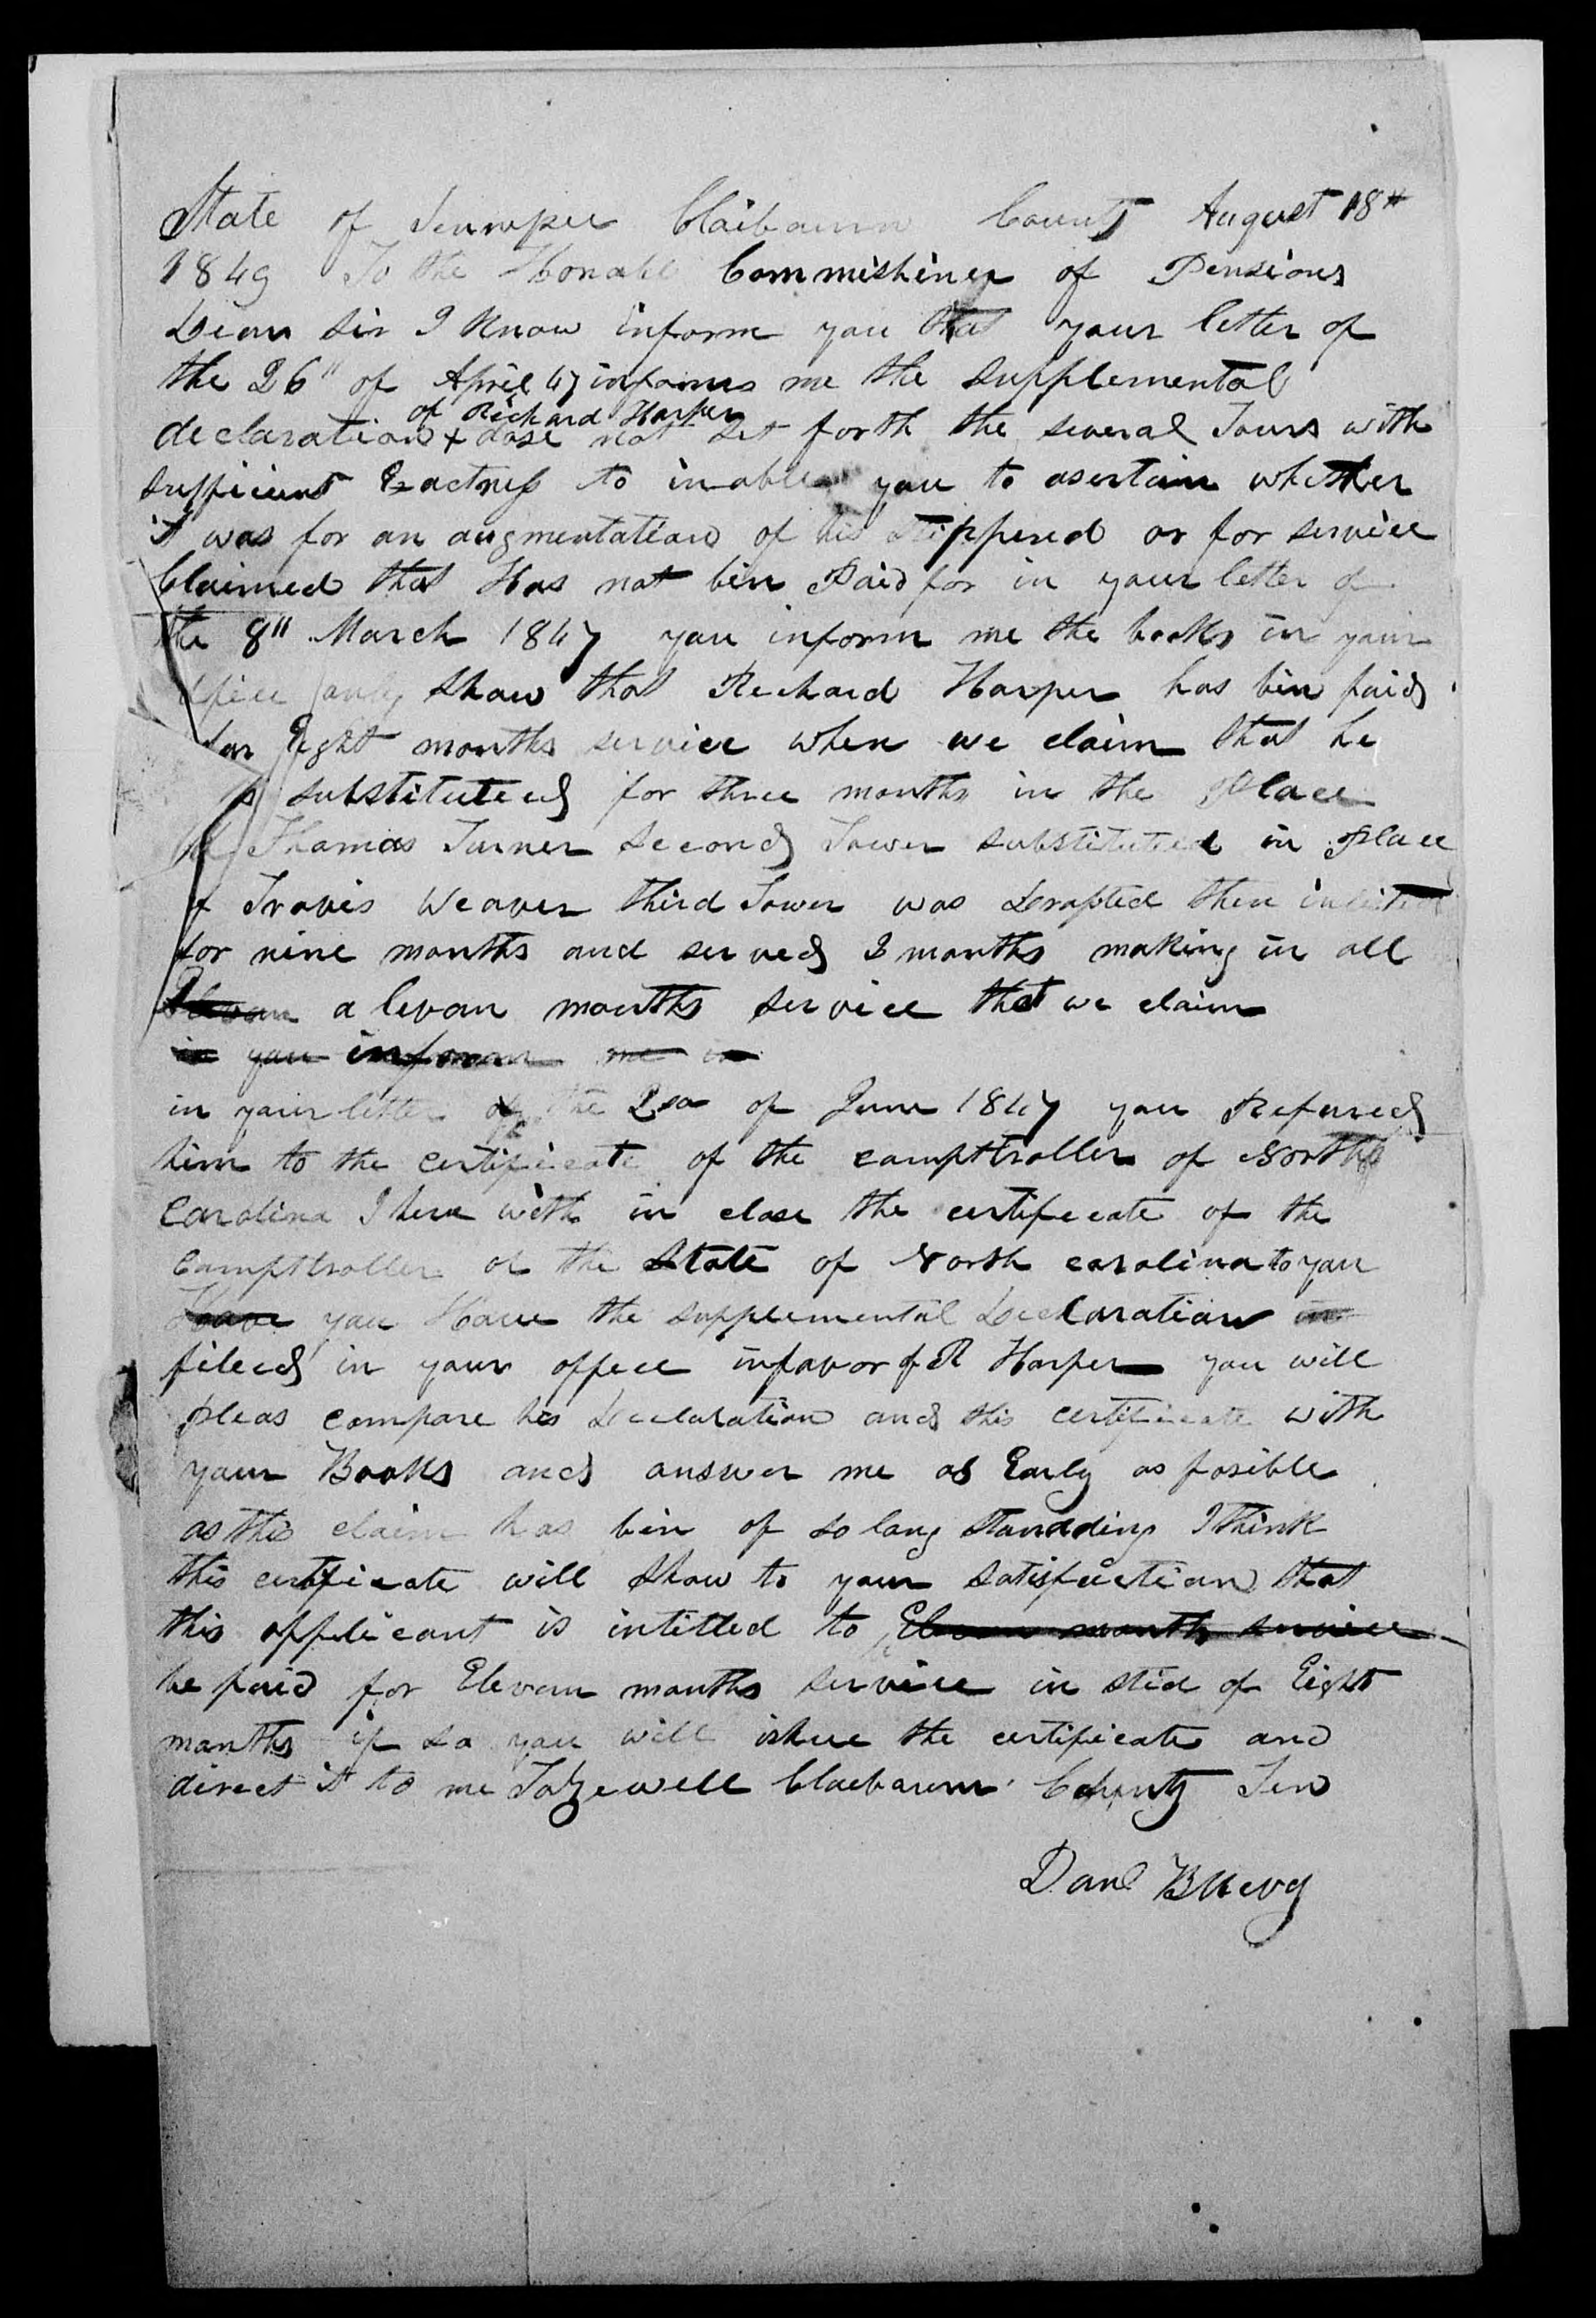State of Tennessee Claiborn County August 18th 1849 To the Honabl Commishiner of Pensions
Dear Sir I know inform you that your letter of
the 26 of April 47 informs me the supplemental declaration of Richard Harper & dose not set forth the several tours with
sufficient Exactness to inable you to asertain whether it was for an augmentation of his stippend or for service claimed that has not been paid for in your letter of
the 8th March 1847 you inform me the books in your office only show that Richard Harper has bin paid or Eight months service when we claim that he substituted for three months in the place Thomas Turner Second Tower substituted in place of Travis Weaver third Tower was [illegible] then inlisted
for nine months and served 8 months making in all a leven months service that we claim
in your letter of the 2nd of June 1847 you referred him to the certificate of the comptroller of North Carolina
I here with in close the certificate of the
Comptroller of the State of North Carolina to you
you have the supplemental Declaration
filed in your office in favor of R Harper you will
pleas compare his declaration and this certificate with your Books and answer me as early as posible as this claim has ben of so long standing I think this certificate will show to your satisfaction that this applicant is intitled to be paid for Eleven months service in stead of Eight
months if so you will issue the certificate and
direct it to me Tazewell Claibourn County Ten
Danl B McVey
-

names: Richard Harper, Thomas Turner, Travis Weaver, R Harper, Danl B Mc Vey, Richard Harper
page: 52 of 81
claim: survivor's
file: S. 1908, Richard Harper, N.C.